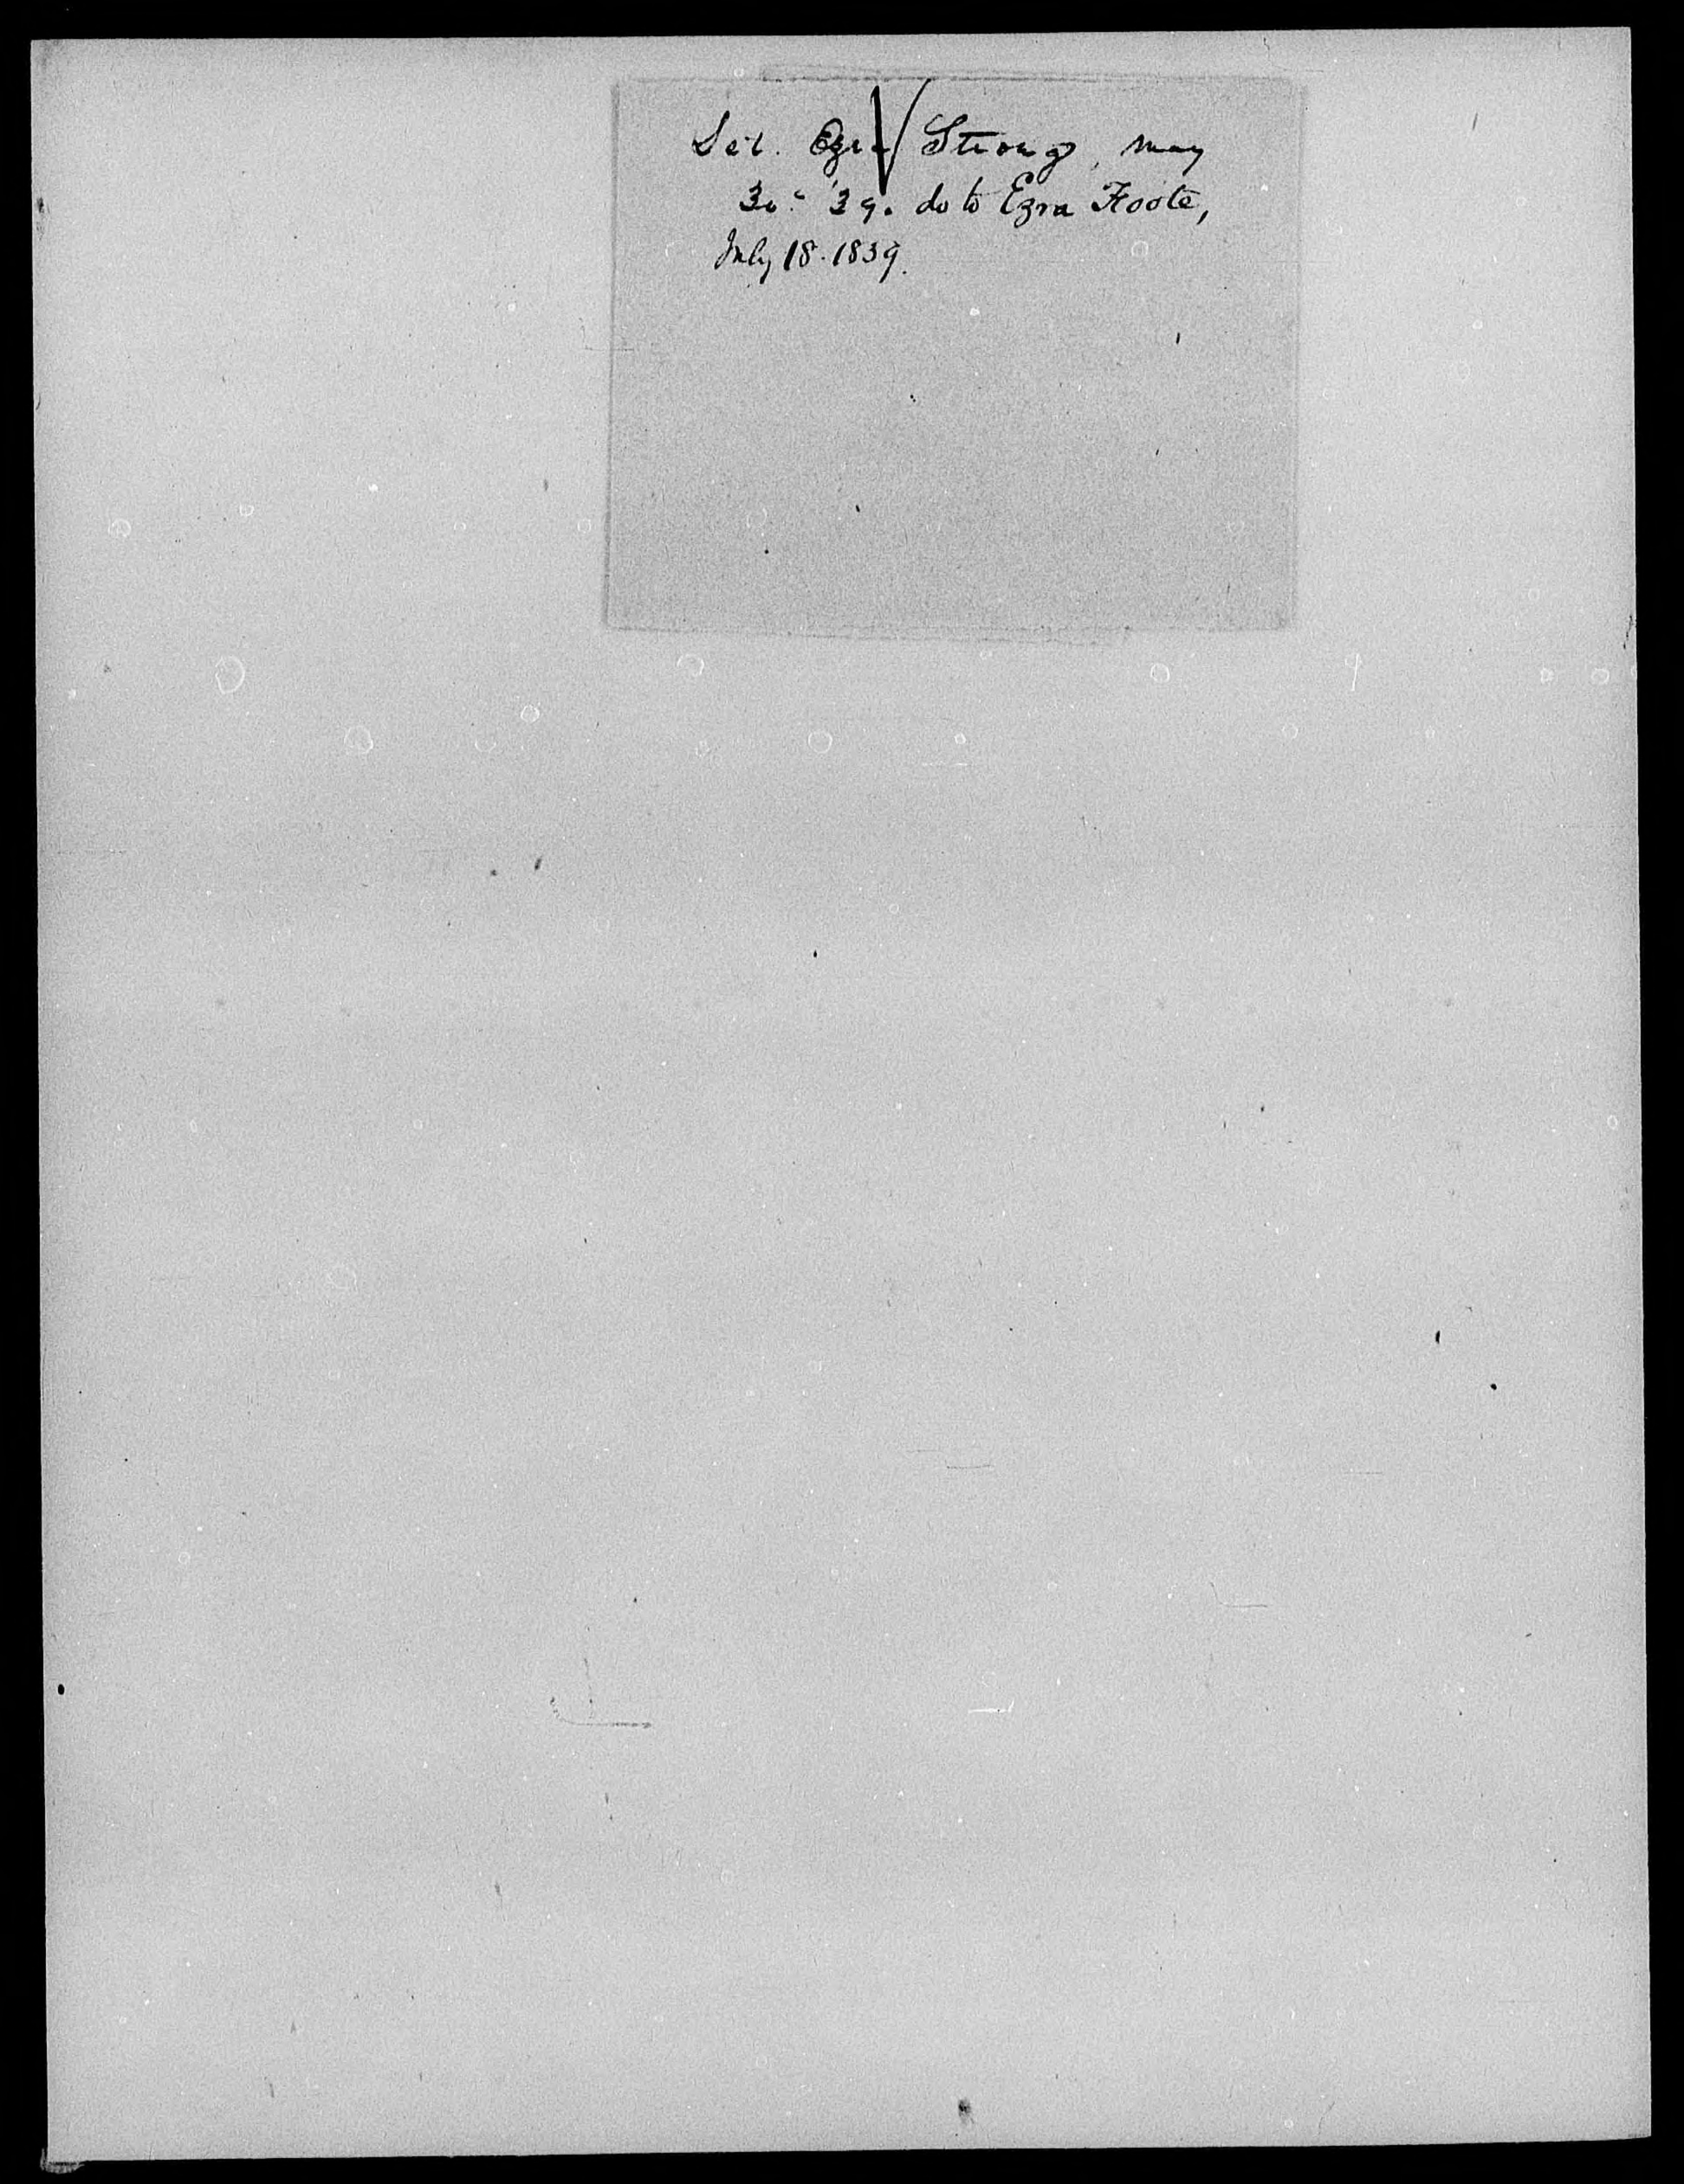Set. Ezra Strong, May
30 '39. do to Ezra Foote,
July 18 1839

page: 23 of 47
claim: widow's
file: W. 17879, for Seth Strong, Connecticut